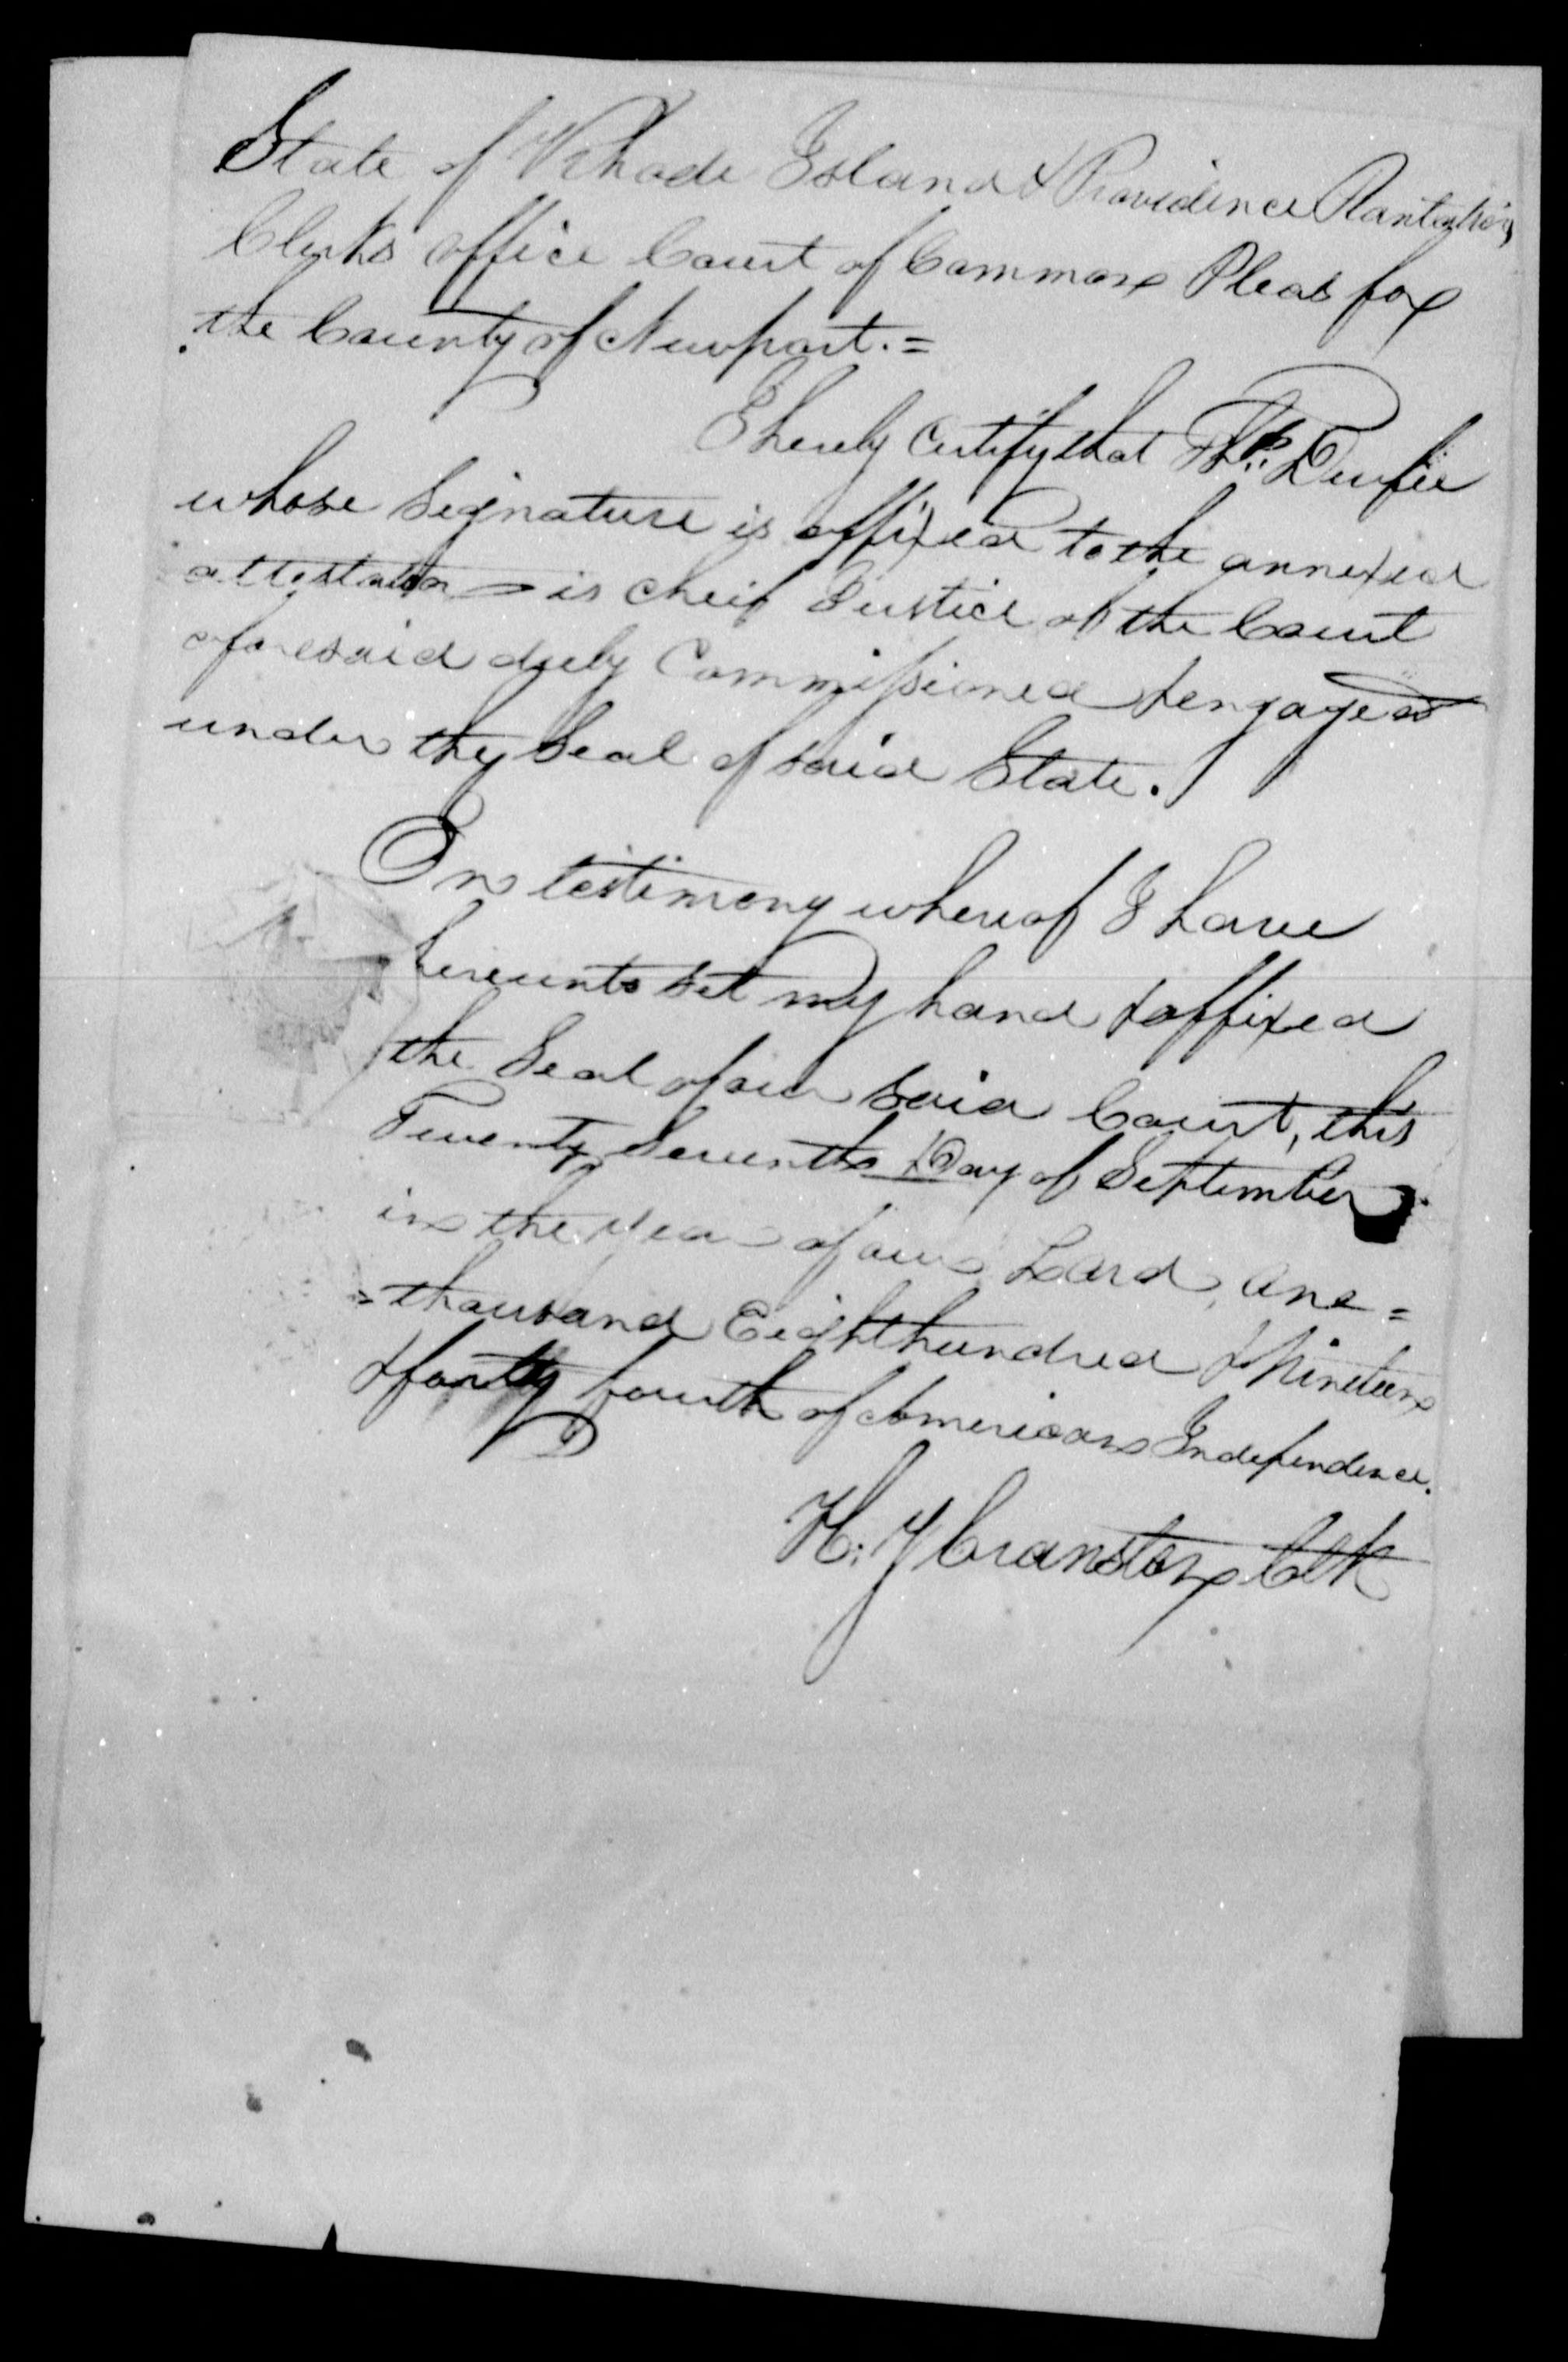State of Rhode Island and  Providence Plantations
Clerks office Court of Common Pleas for the County of Newport.=

I hereby Certify that Thos. Durfee whose Signature is affixed to the annexed attestation is Chief Justice of the Court aforesaid duly commissioned and engaged under the Seal of said State.
On testimony whereof I have hereunto set my hand and affixed the Seal of our said Court, this twenty Seventh Day of September in the year of our Lord one thousand eight hundred and nineteen and forty fourth of Americas Independence.
[signature] H. Y. Cranston Clerk

[illegible Court Seal affixed at left]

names: Thos Durfee; H J Cranston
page: 11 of 12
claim: survivor's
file: S. 41977, for Owen Records, Rhode Island